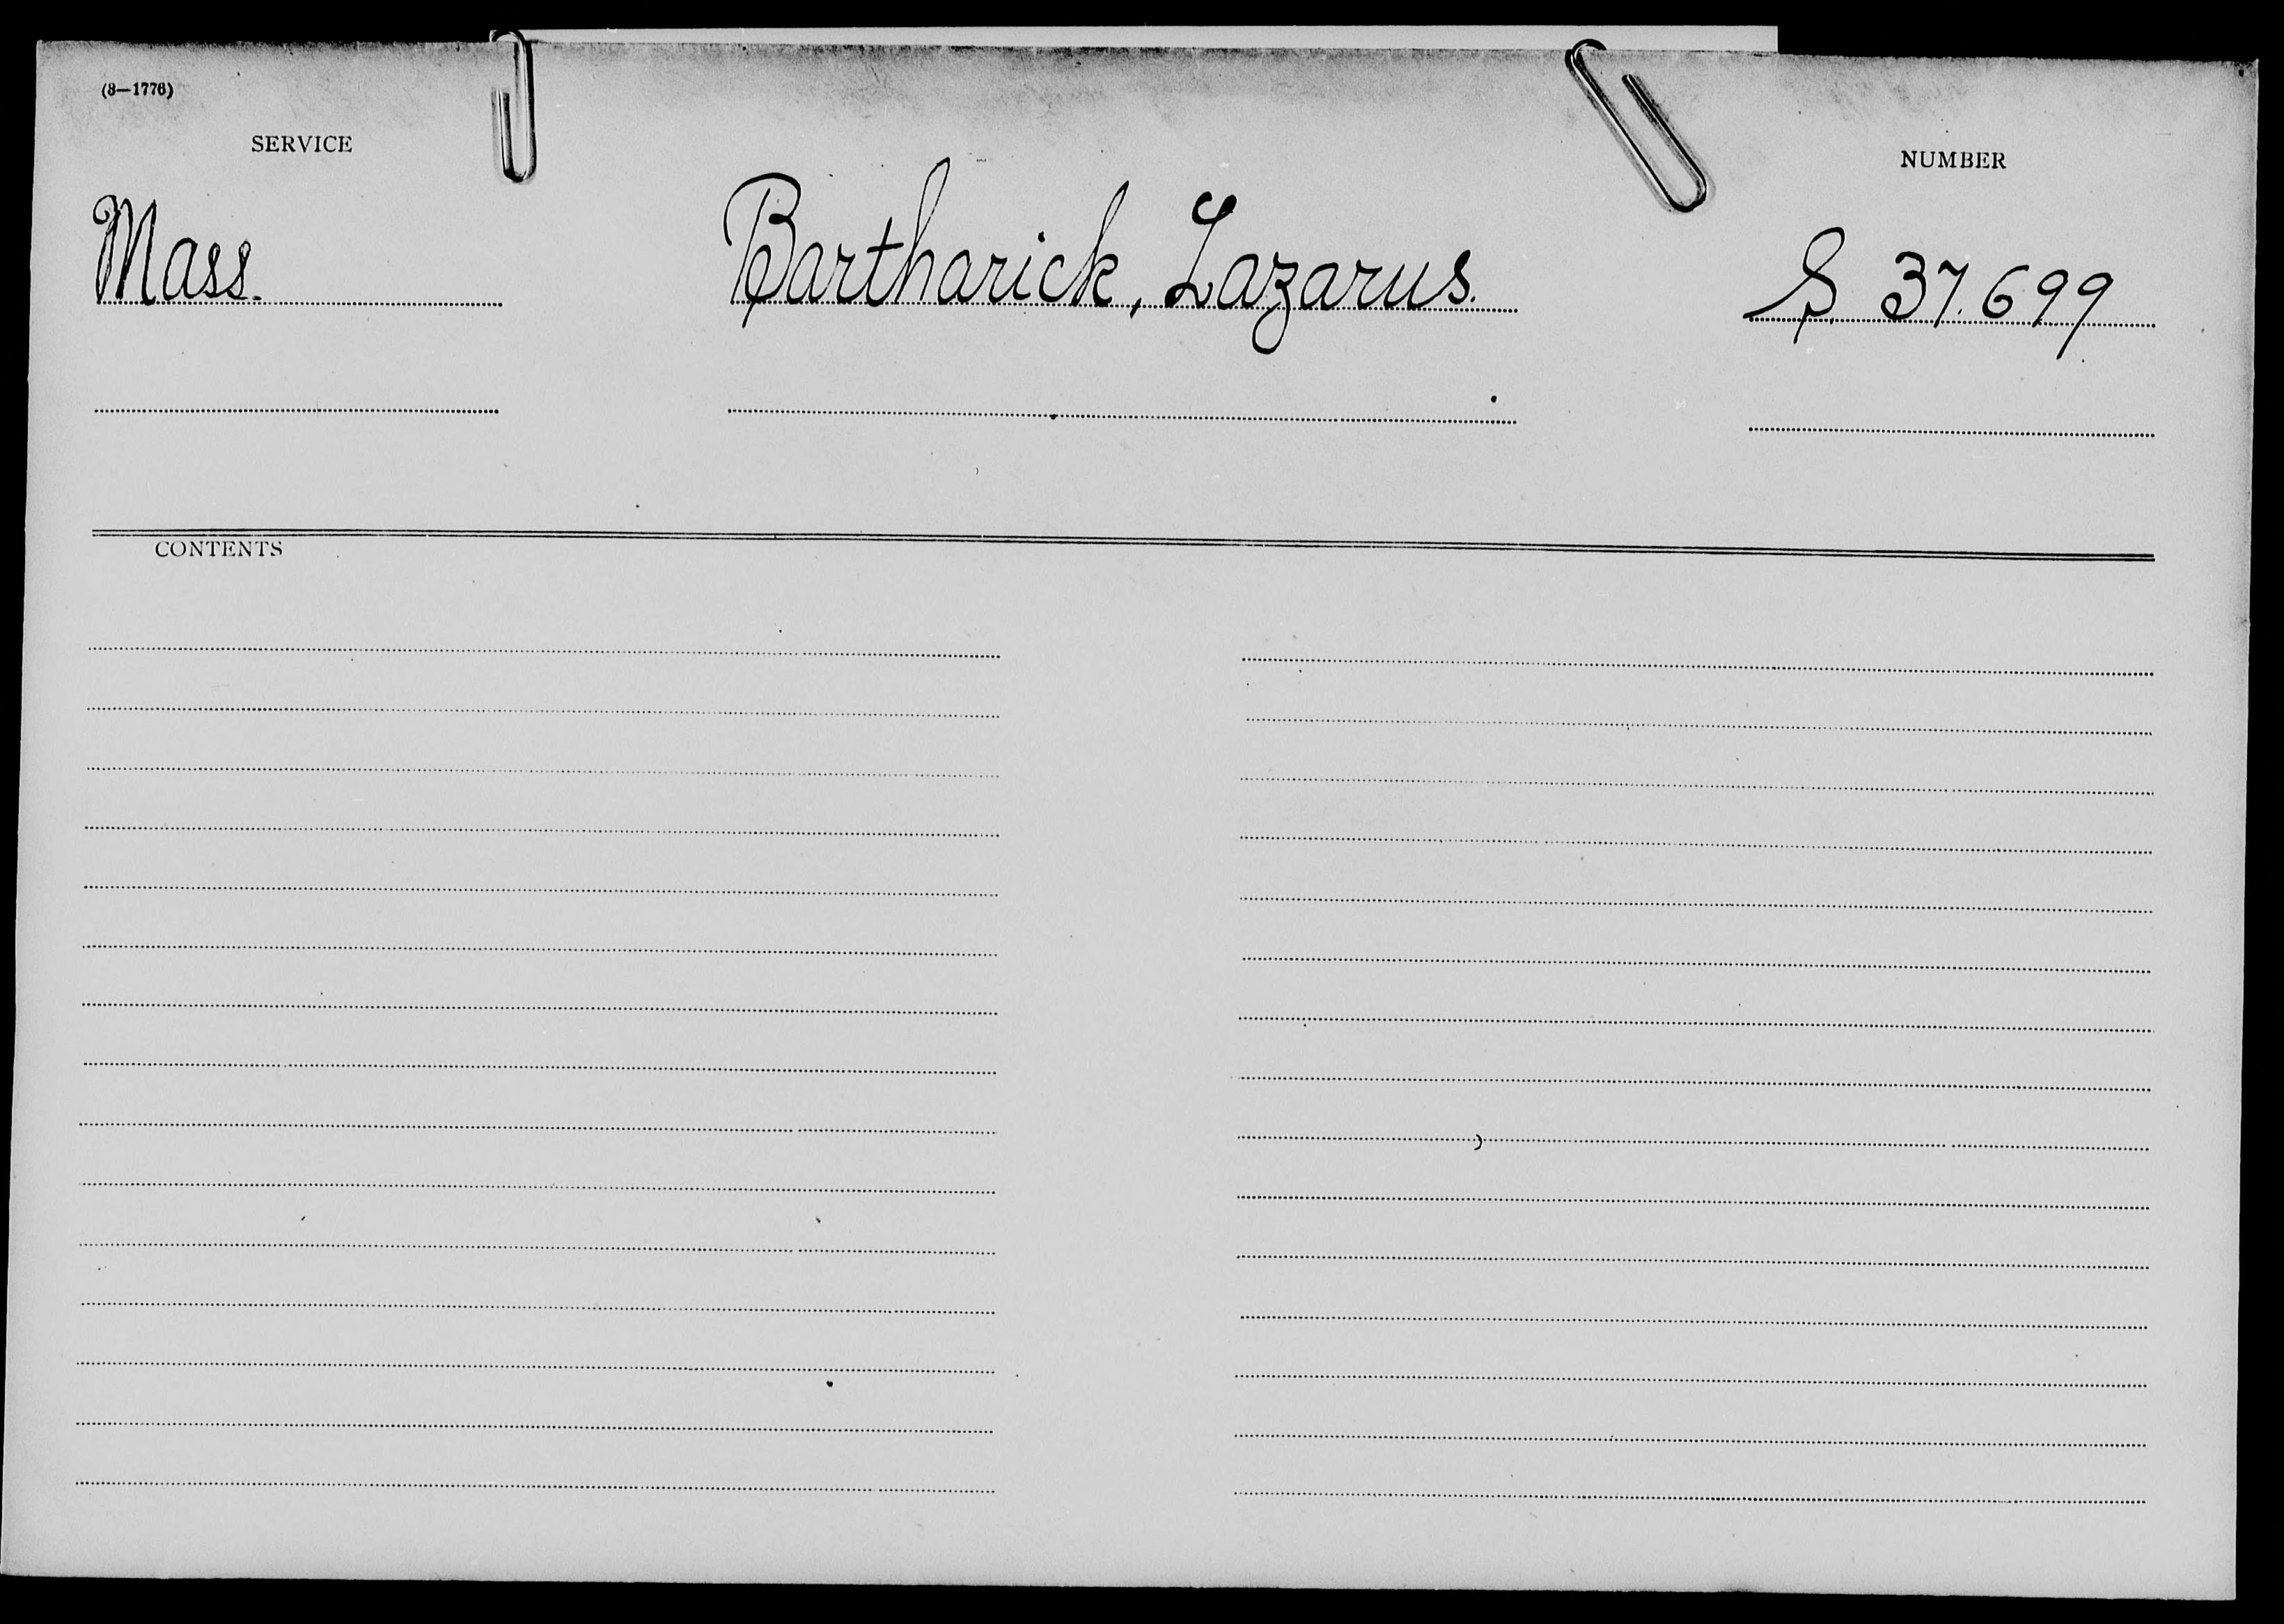Service: Mass.
Bartharick, Lazarus
Number: S 37699
Contents: [blank]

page: 1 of 15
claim: survivor's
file: S. 37,699, Lazarus Bartharick, Mass.